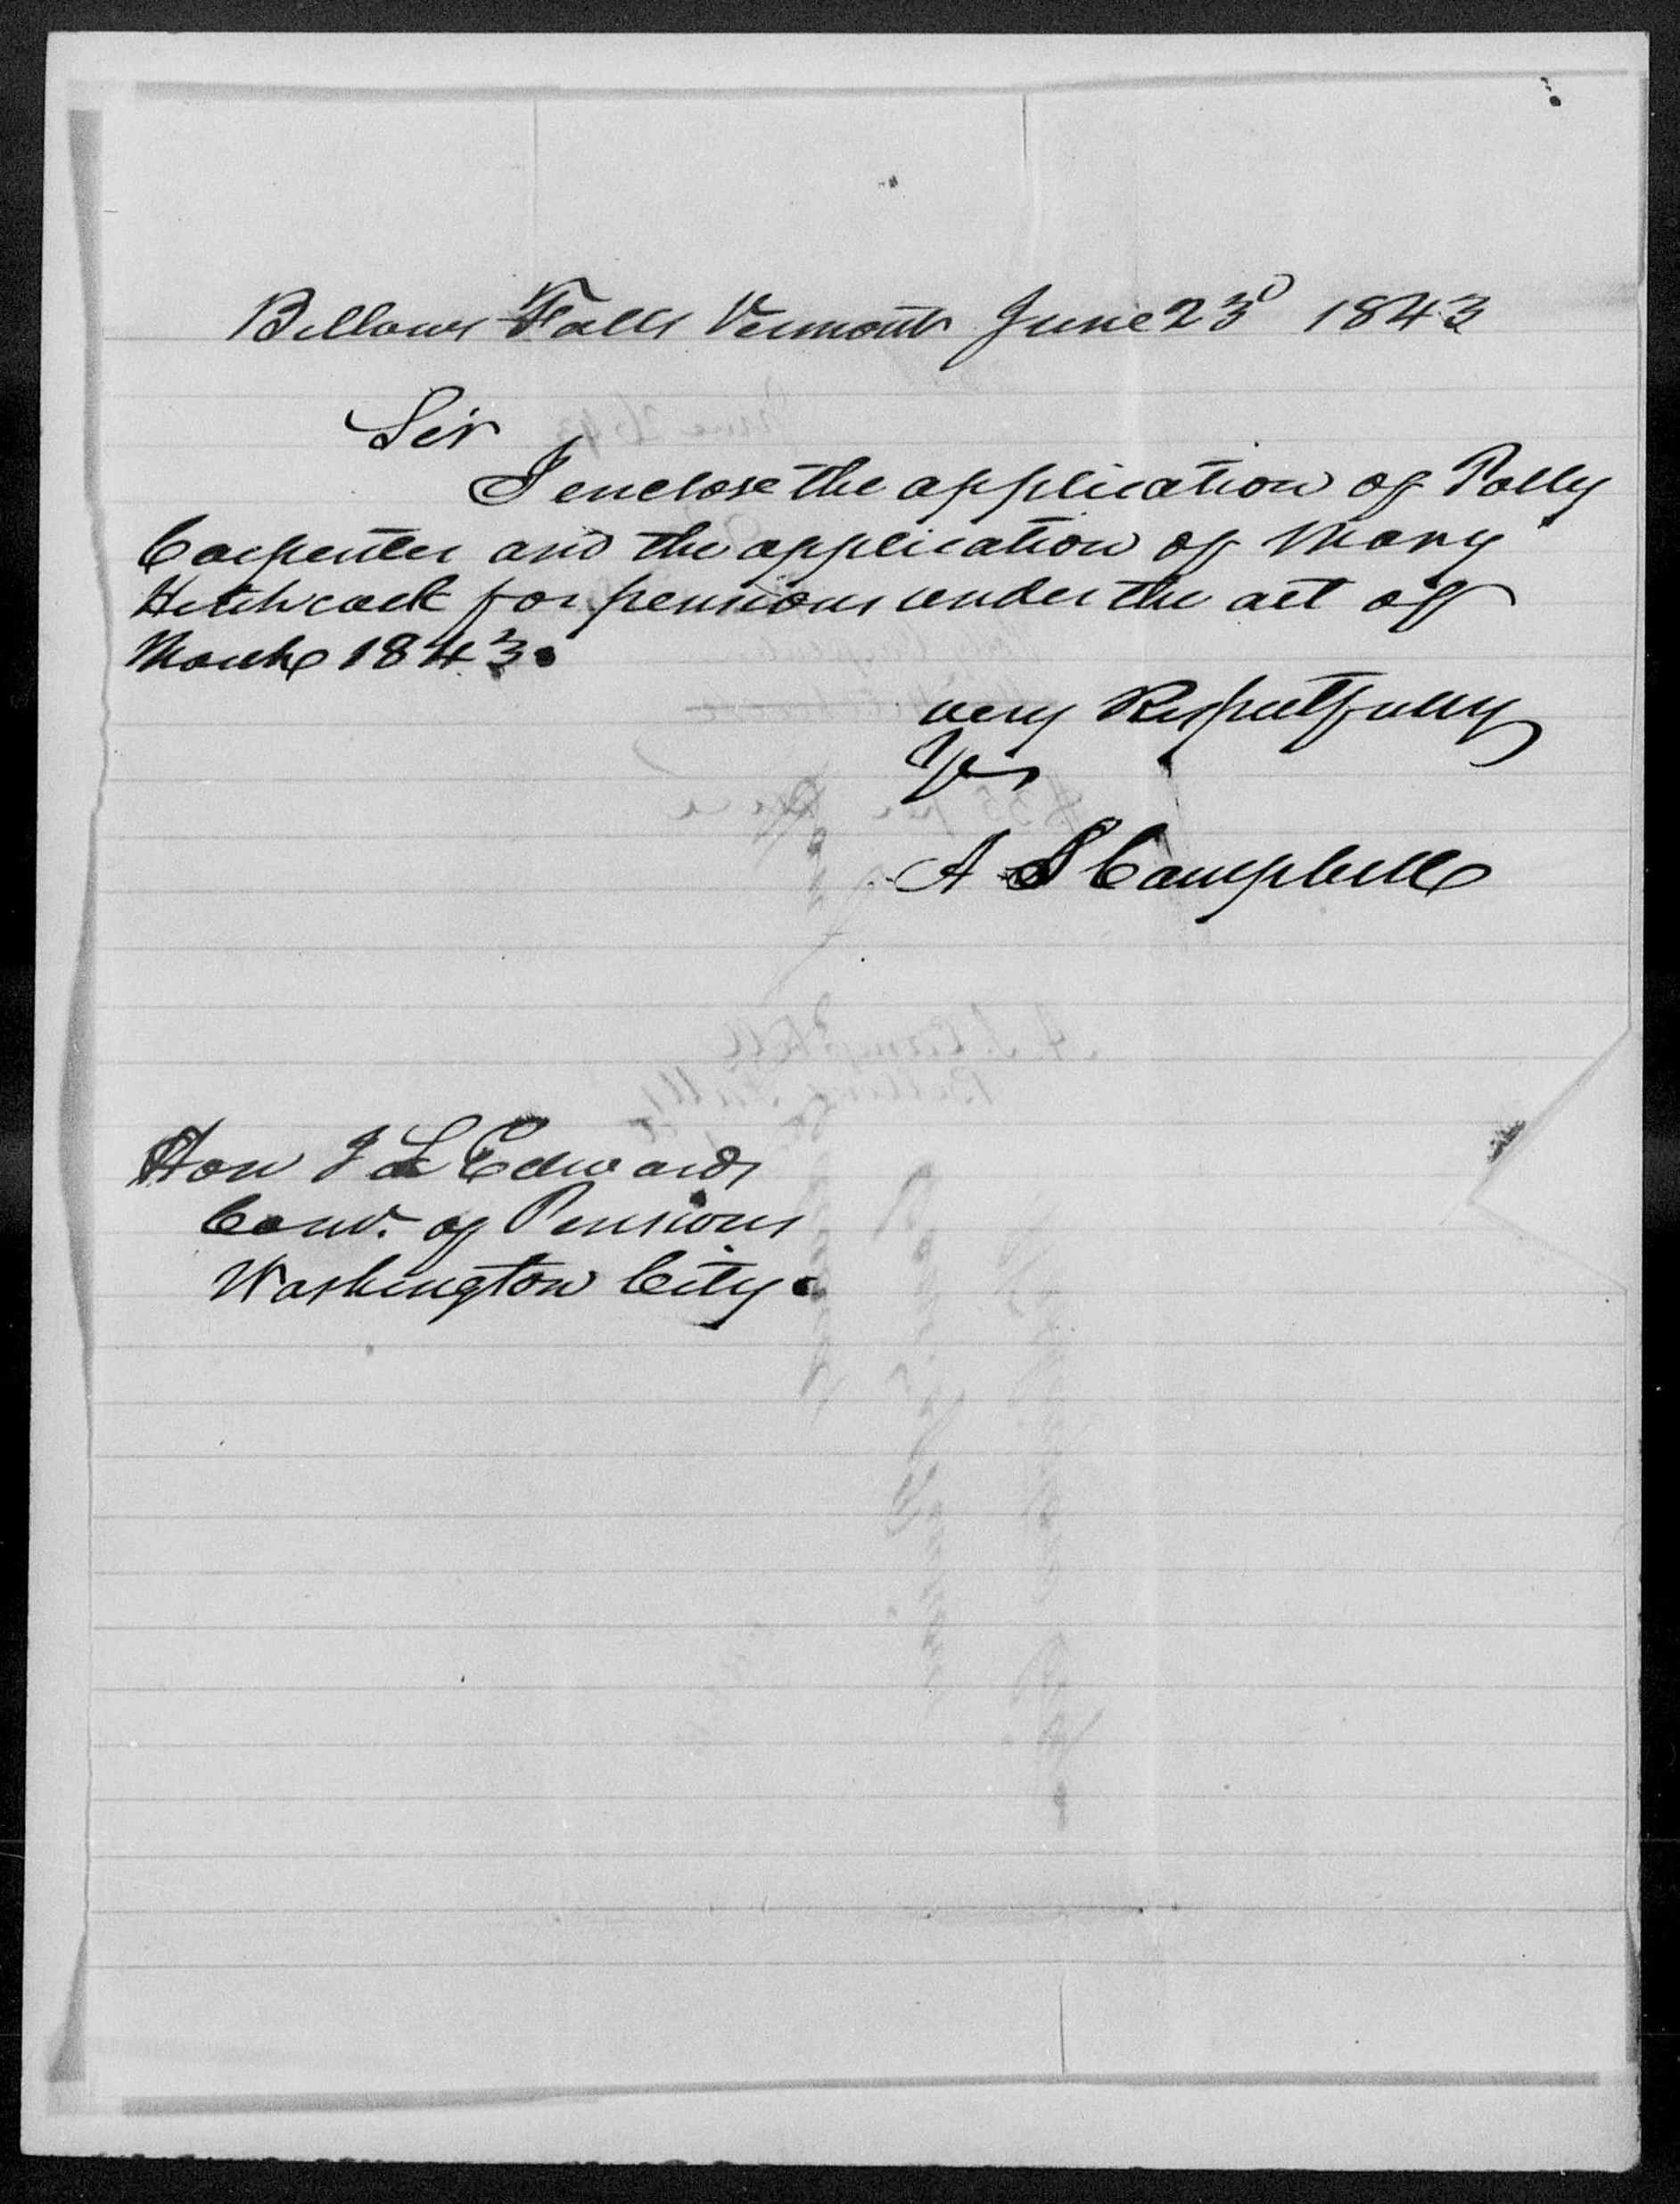Bellows Falls Vermont June 23d 1843

Sir
I enclose the application of Polly Carpenter and the application of Mary Hitchcock for pensions under the act of March 1843.
very Respectfully yrs
/s/A. S. Campbell

Hon J L Edwards
Com'r of Pensions
Washington City DC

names: A S Campbell, Mary Hitchcock, Polly Carpenter, J L Edwards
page: 26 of 41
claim: widow's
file: W. 15627, Timothy Carpenter, Vt.